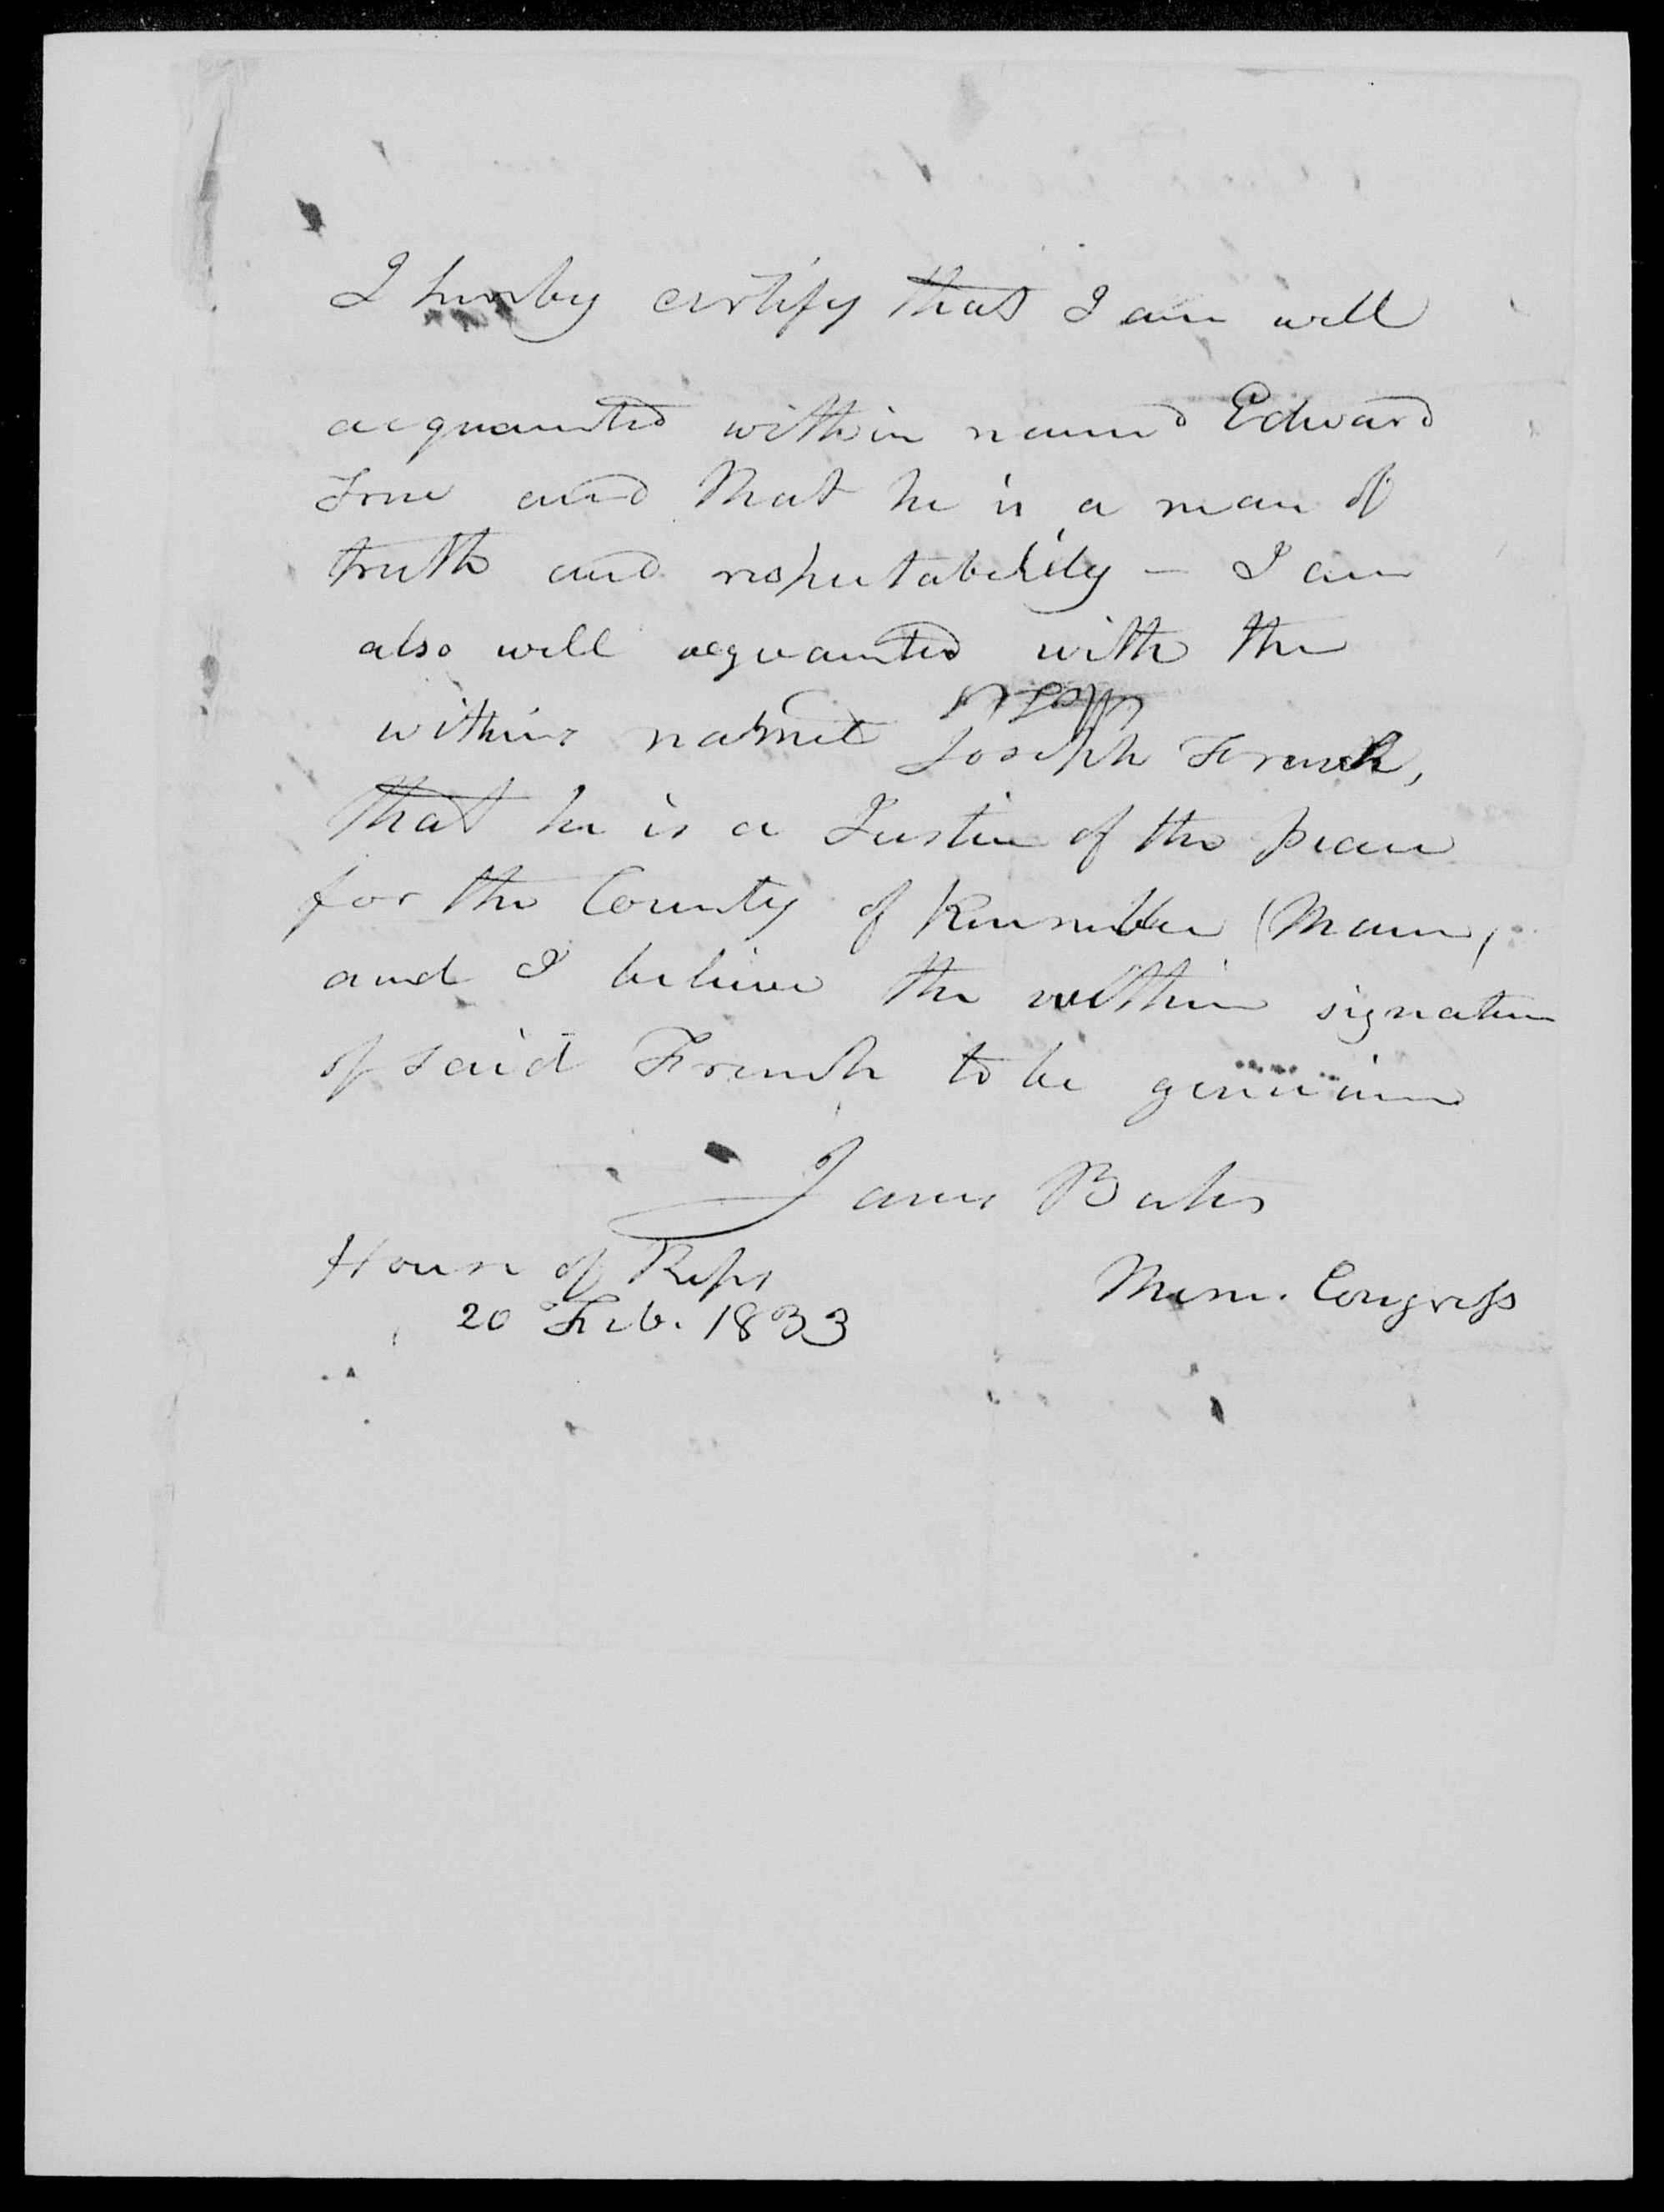I hereby certify that I am well acquainted
within name Edward [illegible] and that he is a man of truth and respectability - I am also well acquainted with the within named Joseph French, that he is a Justice of the Peace for the County of Kimber Mann,
and I believe the within signature of said French to be given [illegible]

Jame Baks
House of Reps
20 Feb. 1833

Mine. [illegible] Congress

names: Jams Bates, Edward Trew, Joseph French, French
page: 9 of 11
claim: survivor's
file: S. 15302, Mark Batchelder, N. H